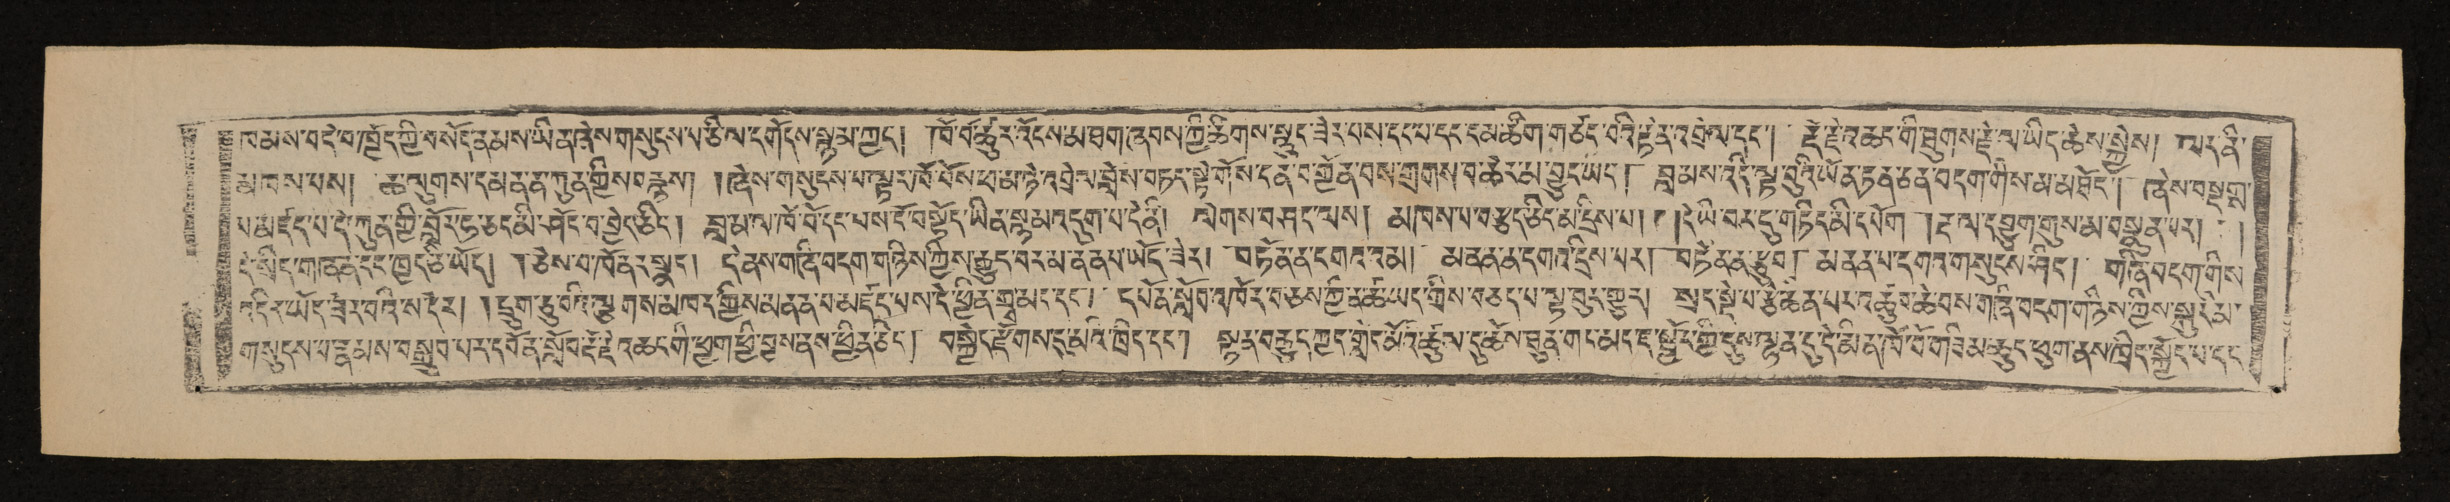ཁམས་བདེ་བ་ཁྱོད་ཀྱི་བསོད་ནམས་ཡིན་ཞེས་གསུངས་པ་ཅི་ལ་དགོངས་སྙམ་ཀྱང་། ཁོ་བོ་ཚུར་འོངས་མ་ཐག་ཞབས་ཀྱི་ཚིགས་སྙུང་ཟེར་པས་དད་པ་དང་དམ་ཚིག་གཙང་བའི་རྟེན་འབྲེལ་དང་། རྡོ་རྗེ་འཆང་གི་ཐུགས་རྗེ་ལ་ཡིད་ཆེས་སྐྱེས། ལར་ནི་
མཁས་པས། ཆ་ལུགས་དམན་ན་ཀུན་གྱིས་བརྙས། །ཞེས་གསུངས་པ་ལྟར་ཁོ་བོས་ཕ་མ་ཉེ་འབྲེལ་བློས་བཏང་སྟེ་གོས་ངན་པ་གྱོན་པས་གྲགས་པ་ཆེར་མ་བྱུང་ཡང་། བླ་མས་འདི་ལྟ་བུའི་ཡོན་ཏན་ཅན་བདག་གིས་མ་མཐོང་། ཞེས་བསྔགས་
པ་མཛད་པ་དེ་ཀུན་གྱི་བློར་ཧ་ཅང་མི་ཤོང་བ་བྱེད་ཅིང་། བླ་མ་ལ་ཁོ་བོ་ངད་པས་ངོ་བསྟོད་ཡིན་སྙམ་འདུག་པ་དེ་ནི། ལེགས་བཤད་ལས། མཁས་པ་བརྩད་ཅིང་མ་དྲིས་པ། །དེ་ཡི་བར་དུ་གཏིང་མི་དཔོག །རྔ་ལ་དབྱུག་གུས་མ་བསྣུན་པར། །
དེ་སྲིད་གཞན་དང་ཁྱད་ཅི་ཡོད། །ཅེས་པ་ཁོ་ནར་སྣང་། དེ་ནས་གཞི་བདག་གཉིས་ཀྱིས་རྒྱུད་པར་མནན་པ་ཡོད་ཟེར། བཏོན་ན་དགའ་འམ། མནན་ན་དགའ་དྲིས་པར། བཏོན་ན་རྩུབ། མནན་པ་དགའ་གསུངས་ཤིང་། གཞི་བདག་གིས་
འདིར་ཡོད་ཟེར་པའི་ས་དེར། དྲུག་ཅུ་པའི་ལྕགས་མཁར་གྱིས་མནན་པ་མཛད་པས་དེ་ཕྱིན་གྲྭ་མང་དང་། དཔོན་སློབ་འཁོར་བཅས་ཀྱི་ན་ཚ་ཡང་གྲིས་བཅད་པ་ལྟ་བུར་གྱུར། སྲད་སྡེ་པ་རྩེ་ཆེན་པར་འཚུབ་ཆེ་བས་གཞི་བདག་གཉིས་ཀྱིས་སྐུ་རིམ་
གསུངས་པ་རྣམས་བསྒྲུབ་པར་དཔོན་སློབ་རྡོ་རྗེ་འཆང་གི་ཕྱག་ཕྱི་བྱས་ནས་ཕྱིན་ཅིང་། བསྐྱེད་རྫོགས་དུ་མའི་ཁྲིད་དང་། སྙན་བརྒྱུད་ཀྱང་གླེང་མོའི་ཚུལ་དུ་ཆོས་ཐུན་གང་མང་ཇ་སྦྱོར་གྱི་དུས་ལྷན་དུ་དེ་མིན་ཁོ་བོ་གཟིམ་ཆུང་ཕུག་ནས་ཁྲིད་སྐྱོད་པ་དང་